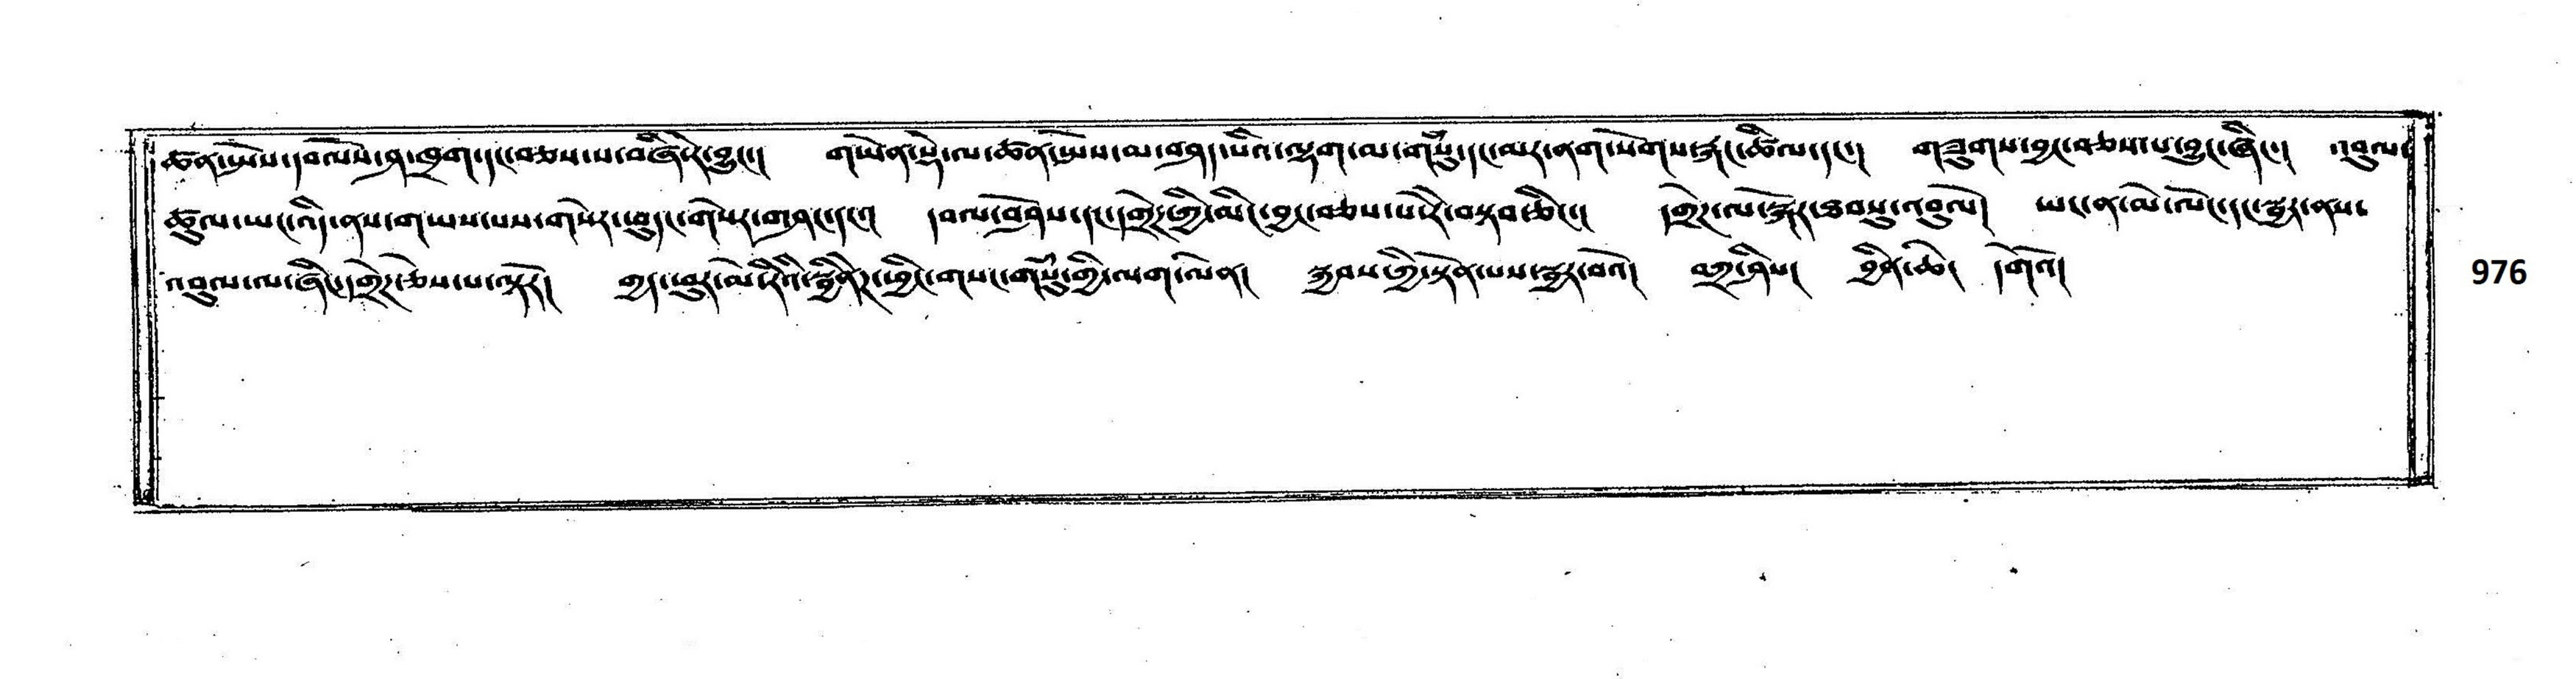ཚན་སྤོས་དབལ་བཤོས་ཤ་ཁྲག་དང་བཅས་པ་བཞི་རེ་བྱུང་། གཡེན་སྡེ་ལ་ཚན་སྤོས་མ་བཤད་པའི་ལྷག་མ་གསུམ་དང་མར་ནག་སོགས་རྐང་ཚིལ་དང་། གཟུགས་བྱང་བཅས་པ་བྱུང་ཞིང་། འབུལ་
ཚུལ་ཡང་འདི་ནས་གཡས་པས་གསེར་ཕུད་དང་གསེར་གཤང་དང་། དབལ་བཤོས་དང་དགྲ་བགེགས་ཀྱི་མིང་བྱང་བཅས་པ་རེ་རེ་བསྟབ་ཅིང་། དགྲ་བགེགས་ལ་སྐོར་ཐབས་སུ་འབུལ་ལོ། ཡང་ན་མེ་ལོང་དང་སྦྱར་ནས་
འབུལ་ཞིང་དགྲ་བགེགས་ཅེས་པ་ལྟར་རོ། གྱད་ཕུར་མེ་རིའི་སྦྱིན་བསྲེགས་ཕྱི་ནང་གསང་གསུམ་གྱི་ལག་ལེན། སྐྱབས་ཀྱི་སྟོན་པས་སྦྱར་བའོ། བཀྲ་ཤིས། བྱིན་ཆེ། དགེའོ།